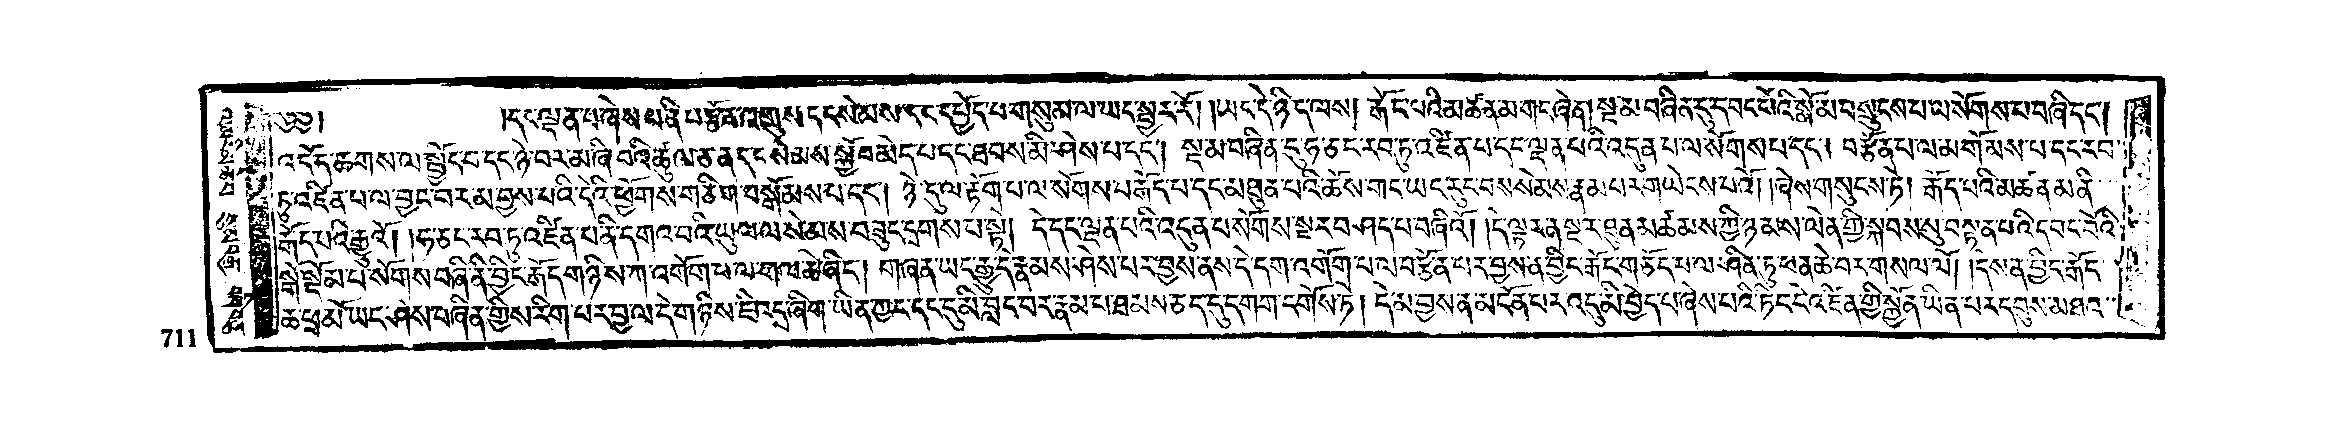༄༅། །དང་ལྡན་པ་ཞེས་པ་ནི་བརྩོན་འགྲུས་དང་སེམས་དང་དཔྱོད་པ་གསུམ་ལ་ཡང་སྦྱར་རོ། །ཡང་དེ་ཉིད་ལས། རྒོད་པའི་མཚན་མ་གང་ཞེ་ན། སྔ་མ་བཞིན་དུ་དབང་པོའི་སྒོ་མ་བསྲུངས་པ་ལ་སོགས་པ་བཞི་དང་།
འདོད་ཆགས་ལ་སྤྱོད་པ་དང་ཉེ་བར་མ་ཞི་བའི་ཚུལ་ཅན་དང་སེམས་སྐྱོ་བ་མེད་པ་དང་ཐབས་མི་ཤེས་པ་དང་། སྔ་མ་བཞིན་དུ་ཧ་ཅང་རབ་ཏུ་འཛིན་པ་དང་ལྡན་པའི་འདུན་པ་ལ་སོགས་པ་དང་། བརྩོན་པ་ལ་མ་གོམས་པ་དང་རབ་
ཏུ་འཛིན་པ་ལ་བྱང་བར་མ་བྱས་པའི་དེའི་ཕྱོགས་གཅིག་བསྒོམས་པ་དང་། ཉེ་དུ་ལ་རྟོག་པ་ལ་སོགས་པ་རྒོད་པ་དང་མཐུན་པའི་ཆོས་གང་ཡང་རུང་བས་སེམས་རྣམ་པར་གཡེངས་པའོ། །ཞེས་གསུངས་ཏེ། རྒོད་པའི་མཚན་མ་ནི་
རྒོད་པའི་རྒྱུའོ། །ཧ་ཅང་རབ་ཏུ་འཛིན་པ་ནི་དགའ་བའི་ཡུལ་ལ་སེམས་བཟུང་དྲགས་པ་སྟེ། དེ་དང་ལྡན་པའི་འདུན་པ་སོགས་སྔར་བཤད་པ་བཞིའོ། །དེ་ལྟར་ན་སྔར་ཐུན་མཚམས་ཀྱི་ཉམས་ལེན་གྱི་སྐབས་སུ་བསྟན་པའི་དབང་པོའི་
སྒོ་སྡོམ་པ་སོགས་བཞི་ནི་བྱིང་རྒོད་གཉིས་ཀ་འགོག་པ་ལ་གལ་ཆེ་ཞིང་། གཞན་ཡང་རྒྱུ་དེ་རྣམས་ཤེས་པར་བྱས་ནས་དེ་དག་འགོག་པ་ལ་བརྩོན་པར་བྱས་ན་བྱིང་རྒོད་གཅོད་པ་ལ་ཤིན་ཏུ་ཕན་ཆེ་བར་གསལ་ལོ། །དེས་ན་བྱིང་རྒོད་
ཆ་ཕྲ་མོ་ཡང་ཤེས་བཞིན་གྱིས་རིག་པར་བྱ་ལ་དེ་གཉིས་ཇི་འདྲ་ཞིག་ཡིན་ཀྱང་དང་དུ་མི་བླང་བར་རྣམ་པ་ཐམས་ཅད་དུ་དགག་དགོས་ཏེ། དེ་མ་བྱས་ན་མངོན་པར་འདུ་མི་བྱེད་པ་ཞེས་པའི་ཏིང་ངེ་འཛིན་གྱི་སྐྱོན་ཡིན་པར་དབུས་མཐའ་